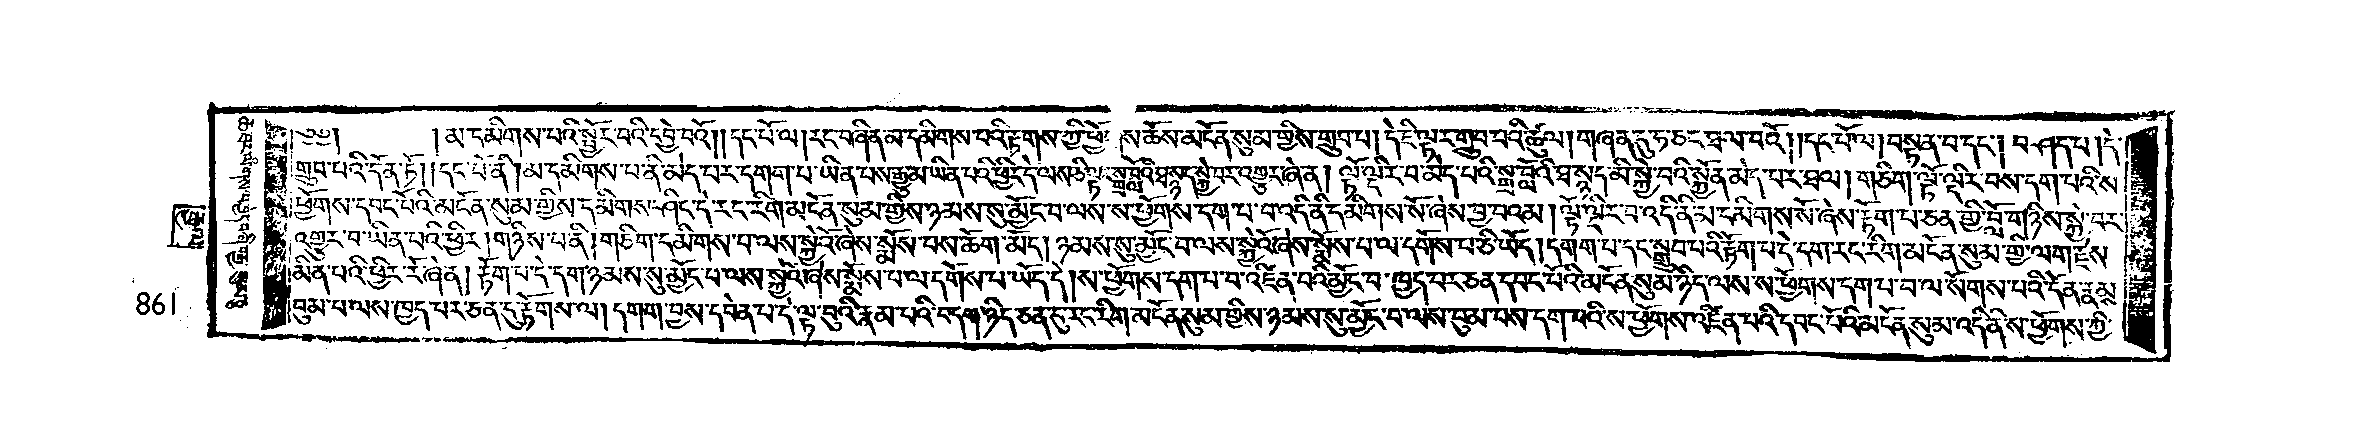༄༅། །མ་དམིགས་པའི་སྦྱོང་བའི་དབྱེ་བའོ། །དང་པོ་ལ། རང་བཞིན་མ་དམིགས་པའི་རྟགས་ཀྱི་ཕྱོགས་ཆོས་མངོན་སུམ་གྱིས་གྲུབ་པ། དེ་ཇི་ལྟར་གྲུབ་པའི་ཚུལ། གཞན་དུ་ཧ་ཅང་ཐལ་བའོ། །དང་པོ་ལ། བསྟན་པ་དང་། བཤད་པ། དེ་
གྲུབ་པའི་དོན་ཏོ། །དང་པོ་ནི། མ་དམིགས་པ་ནི་མེད་པར་དགག་པ་ཡིན་པས་རྒྱུ་མ་ཡིན་པའི་ཕྱིར་དེ་ལས་ཅི་ལྟར་སྒྲ་བླེའི་ཐ་སྙད་སྐྱེ་བར་འགྱུར་ཞེ་ན། ལྟོ་ལྡིར་བ་མེད་པའི་སྒྲ་བློའི་ཐ་སྙད་མི་སྐྱེ་བའི་སྐྱོན་མེད་པར་ཐལ། གཅིག་ལྟོ་ལྡིར་བས་དག་པའི་ས་
ཕྱོགས་དབང་པོའི་མངོན་སུམ་གྱིས་དམིགས་ཤིང་དེ་རང་རིག་མངོན་སུམ་གྱིས་ཉམས་སུ་མྱོང་བ་ལས་ས་ཕྱོགས་དག་པ་བ་འདི་ནི་དམིགས་སོ་ཞེས་བྱ་བའམ། ལྟོ་ལྡིར་བ་འདི་ནི་མ་དམིགས་སོ་ཞེས་རྟོག་པ་ཅན་གྱི་བློ་གཉིས་སྐྱེ་བར་
འགྱུར་བ་ཡིན་པའི་ཕྱིར། གཉིས་པ་ནི། གཅིག་དམིགས་པ་ལས་སྐྱེའོ་ཞེས་སྨོས་པས་ཆོག་མོད། ཉམས་སུ་མྱོང་བ་ལས་སྐྱེའོ་ཞེས་སྨོས་པ་ལ་དགོས་པ་ཅི་ཡོད། དགག་པ་དང་སྒྲུབ་པའི་རྟོག་པ་དེ་དག་རང་རིག་མངོན་སུམ་གྱི་ལག་རྗེས་
མིན་པའི་ཕྱིར་རོ་ཞེ་ན། རྟོག་པ་དེ་དག་ཉམས་སུ་མྱོང་བ་ལས་སྐྱེའོ་ཞེས་སྨོས་པ་ལ་དགོས་པ་ཡོད་དེ། ས་ཕྱོགས་དག་པ་བ་འཛིན་པའི་མྱོང་བ་ཁྱད་པར་ཅན་དབང་པོའི་མངོན་སུམ་ཉིད་ལས་ས་ཕྱོགས་དག་པ་བ་ལ་སོགས་པའི་དོན་རྣམས་
བུམ་པ་ལས་ཁྱད་པར་ཅན་དུ་རྟོགས་ལ། དགག་བྱས་དབེན་པ་དེ་ལྟ་བུའི་རྣམ་པའི་བདག་ཉིད་ཅན་དུ་རང་རིག་མངོན་སུམ་གྱིས་ཉམས་སུ་མྱོང་བ་ལས་བུམ་པས་དག་པའི་ས་ཕྱོགས་འཛིན་པའི་དབང་པོའི་མངོན་སུམ་འདི་ནི་ས་ཕྱོགས་ཀྱི་